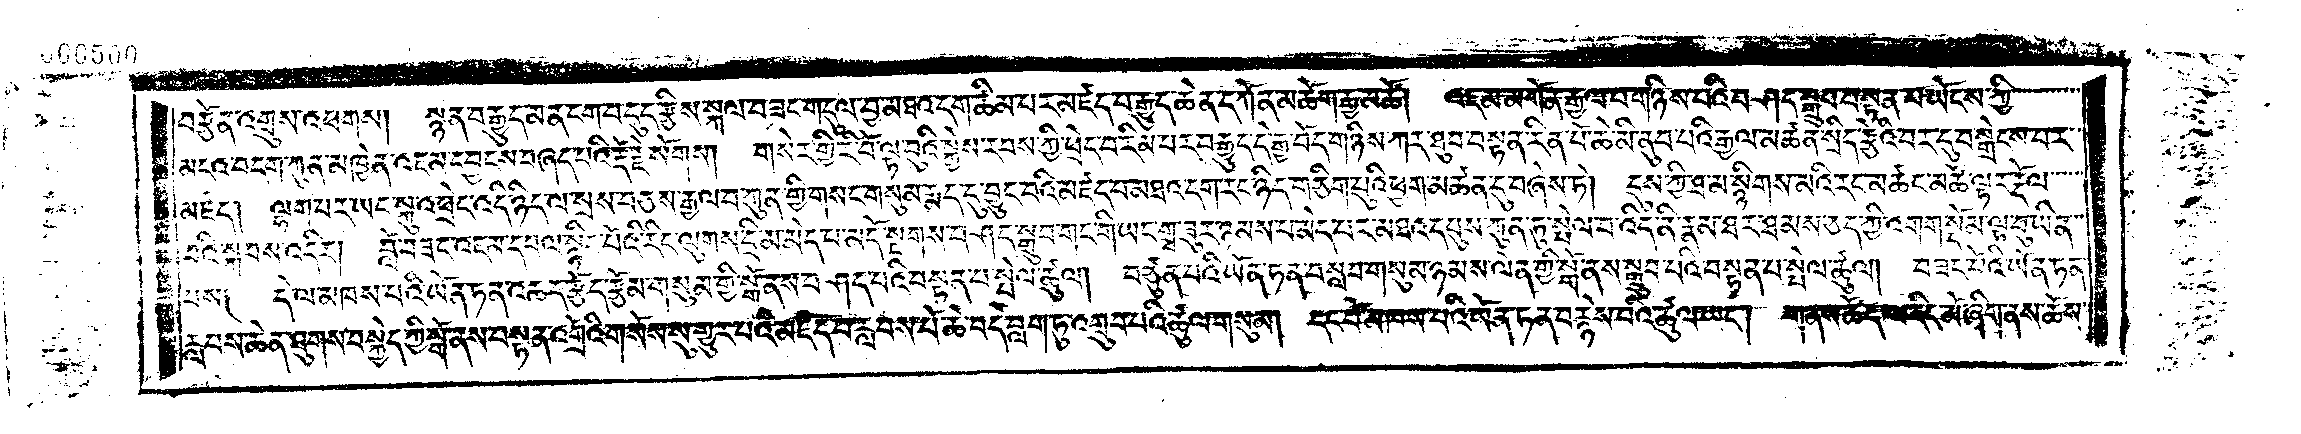བརྩོན་འགྲུས་འཕགས། སྙན་བརྒྱུད་མན་ངག་བདུད་རྩིས་སྐལ་བཟང་གདུལ་བྱ་མཐའ་དག་ཚིམ་པར་མཛད་པ་རྒྱུད་ཆེན་དཀོན་མཆོག་རྒྱ་མཚོ། འཇམ་མགོན་རྒྱལ་བ་གཉིས་པའི་བཤད་སྒྲུབ་བསྟན་པ་ཡོངས་ཀྱི་
མདའ་བདག་ཀུན་མཁྱེན་འཇམ་དབྱངས་བཞད་པའི་རྡོ་རྗེ་སོགས། གསེར་གྱི་རི་བོ་ལྟ་བུའི་སྐྱེས་རབས་ཀྱི་ཕྲེང་བ་རིམ་པར་བརྒྱུད་དེ་རྒྱ་བོད་གཉིས་ཀར་ཐུབ་བསྟན་རིན་པོ་ཆེ་མི་ནུབ་པའི་རྒྱལ་མཚན་སྲིད་རྩེའི་བར་དུ་བསྒྲེངས་པར་
མཛད། ལྷག་པར་ཡང་སྐུ་འཕྲེང་འདི་ཉིད་ལ་སྲས་བཅས་རྒྱལ་བ་ཀུན་གྱི་གསང་གསུམ་རྨད་དུ་བྱུང་བའི་མཛད་པ་མཐའ་དག་རང་ཉིད་གཅིག་པུའི་ཕྱག་མཚན་དུ་བཞེས་ཏེ། དུས་ཀྱི་ཐ་མ་སྙིགས་མའི་རང་མཚང་མཚོ་ལྟར་རྡོལ་
བའི་སྐབས་འདིར། བློ་བཟང་འཇམ་དཔལ་སྙིང་པོའི་རིང་ལུགས་དྲི་མ་མེད་པ་མདོ་སྔགས་བཤད་སྒྲུབ་གང་གི་ཡང་གྲྭ་ཟུར་ཉམས་པ་མེད་པར་མཐའ་དཔུས་ཀུན་ཏུ་སྤེལ་བ་འདི་ནི་རྣམ་ཐར་ཐམས་ཅད་ཀྱི་འགག་སྡོམ་ལྟ་བུ་ཡིན་
པས༑ དེ་ལ་མཁས་པའི་ཡོན་ཏན་འཆད་རྩོད་རྩོམ་གསུམ་གྱི་སྒོ་ནས་བཤད་པའི་བསྟན་པ་སྤེལ་ཚུལ། བཙུན་པའི་ཡོན་ཏན་བསླབ་གསུམ་ཉམས་ལེན་གྱི་སྒོ་ནས་སྒྲུབ་པའི་བསྟན་པ་སྤེལ་ཚུལ། བཟང་པོའི་ཡོན་ཏན་
རླབས་ཆེན་ཐུགས་བསྐྱེད་ཀྱི་སྒོ་ནས་བསྟན་འགྲོའི་གསོས་སུ་གྱུར་པའི་མཛད་པ་རླབས་པོ་ཆེ་བདེ་བླག་ཏུ་འགྲུབ་པའི་ཚུལ་གསུམ། དང་པོ་མཁས་པའི་ཡོན་ཏན་བརྙེས་པའི་ཚུལ་ཡང་། གནས་ཚོད་ལ་རིང་མོ་ཞིག་ནས་ཆོས་